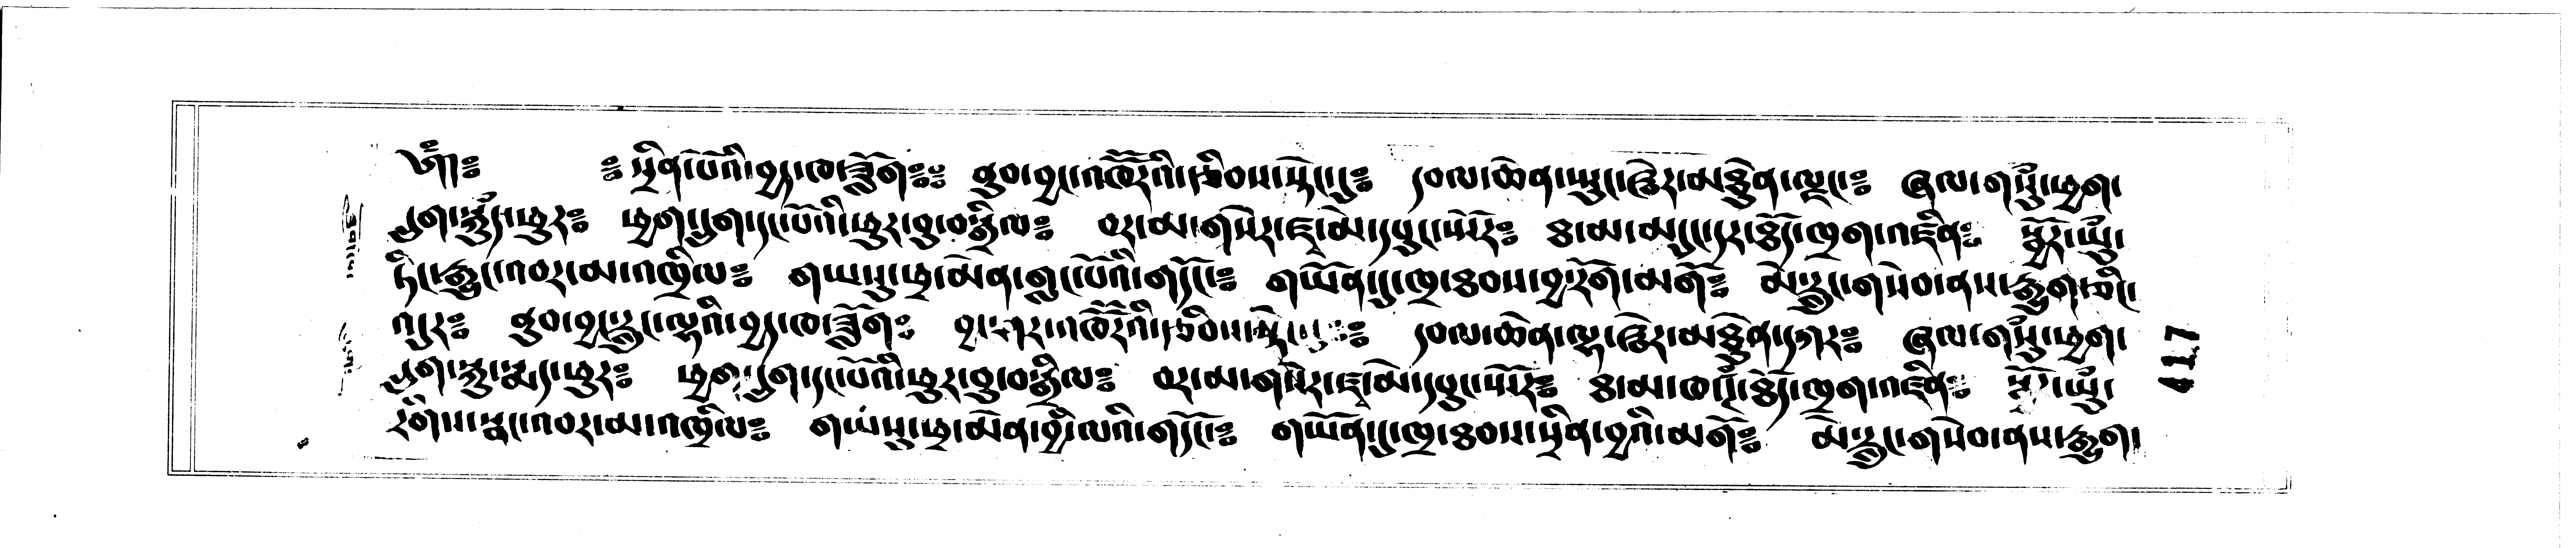༔སྲིན་པོའི་བྱད་ཁ་ཟློག༔༔ནུབ་བྱང་འཁོར་ལོའི་རྩིབས་སྟེང་དུ༔དབལ་ཆེན་སྤུངས་ཝེར་མཐུ་ཆེན་ལྗང་༔ཞལ་གསུམ་ཕྱག་དྲུག་སྐུ་སྨད་ཕུར༔ཕྱག་
དྲུག་དང་པོའི་ཕུར་བུ་བསྒྲིལ༔བར་མ་གསེར་ཛྭ་མེ་དཔུང་སྤོར༔ཐ་མ་མདུང་དར་ཐོད་ཁྲག་འཛིན༔སྦྱོར་ཡུམ་
ཏིང་རྒྱུང་འབར་མ་འཁྲིལ༔གཡས་སུ་ཕྲ་མེན་གླང་པོའི་གདོང་༔གཡོན་དུ་ཁྲ་ཐབས་བྱ་རོག་མགོ༔མེ་རླུང་གསེབ་ནས་རྒྱུག་ཅིང་
འདུར༔ནུབ་བྱང་རླུང་ལྷའི་བྱད་ཁ་ཟློག༔བྱང་ཤར་འཁོར་ལོའི་རྩིབས་སྟེང་དུ༔དབལ་ཆེན་ལྷ་ཝེར་མཐུ་ཆེན་དཀར༔ཞལ་གསུམ་ཕྱག་
དྲུག་སྐུ་སྨད་ཕུར༔ཕྱག་དྲུག་དང་པོའི་ཕུར་བུ་བསྒྲིལ༔བར་མ་གསེར་ཛྭ་མེ་དཔུང་སྤོར༔ཐ་མ་ཁ་ཊཾ་ཐོད་ཁྲག་འཛིན༔ སྦྱོར་ཡུམ་
རིགས་སྣང་འབར་མ་འཁྲིལ༔གཡས་སུ་ཕྲ་མེན་བྱི་ལའི་གདོང་༔གཡོན་དུ་ཁྲ་ཐབས་སྲིན་བྱའི་མགོ༔མེ་རླུང་གསེབ་ནས་རྒྱུག་